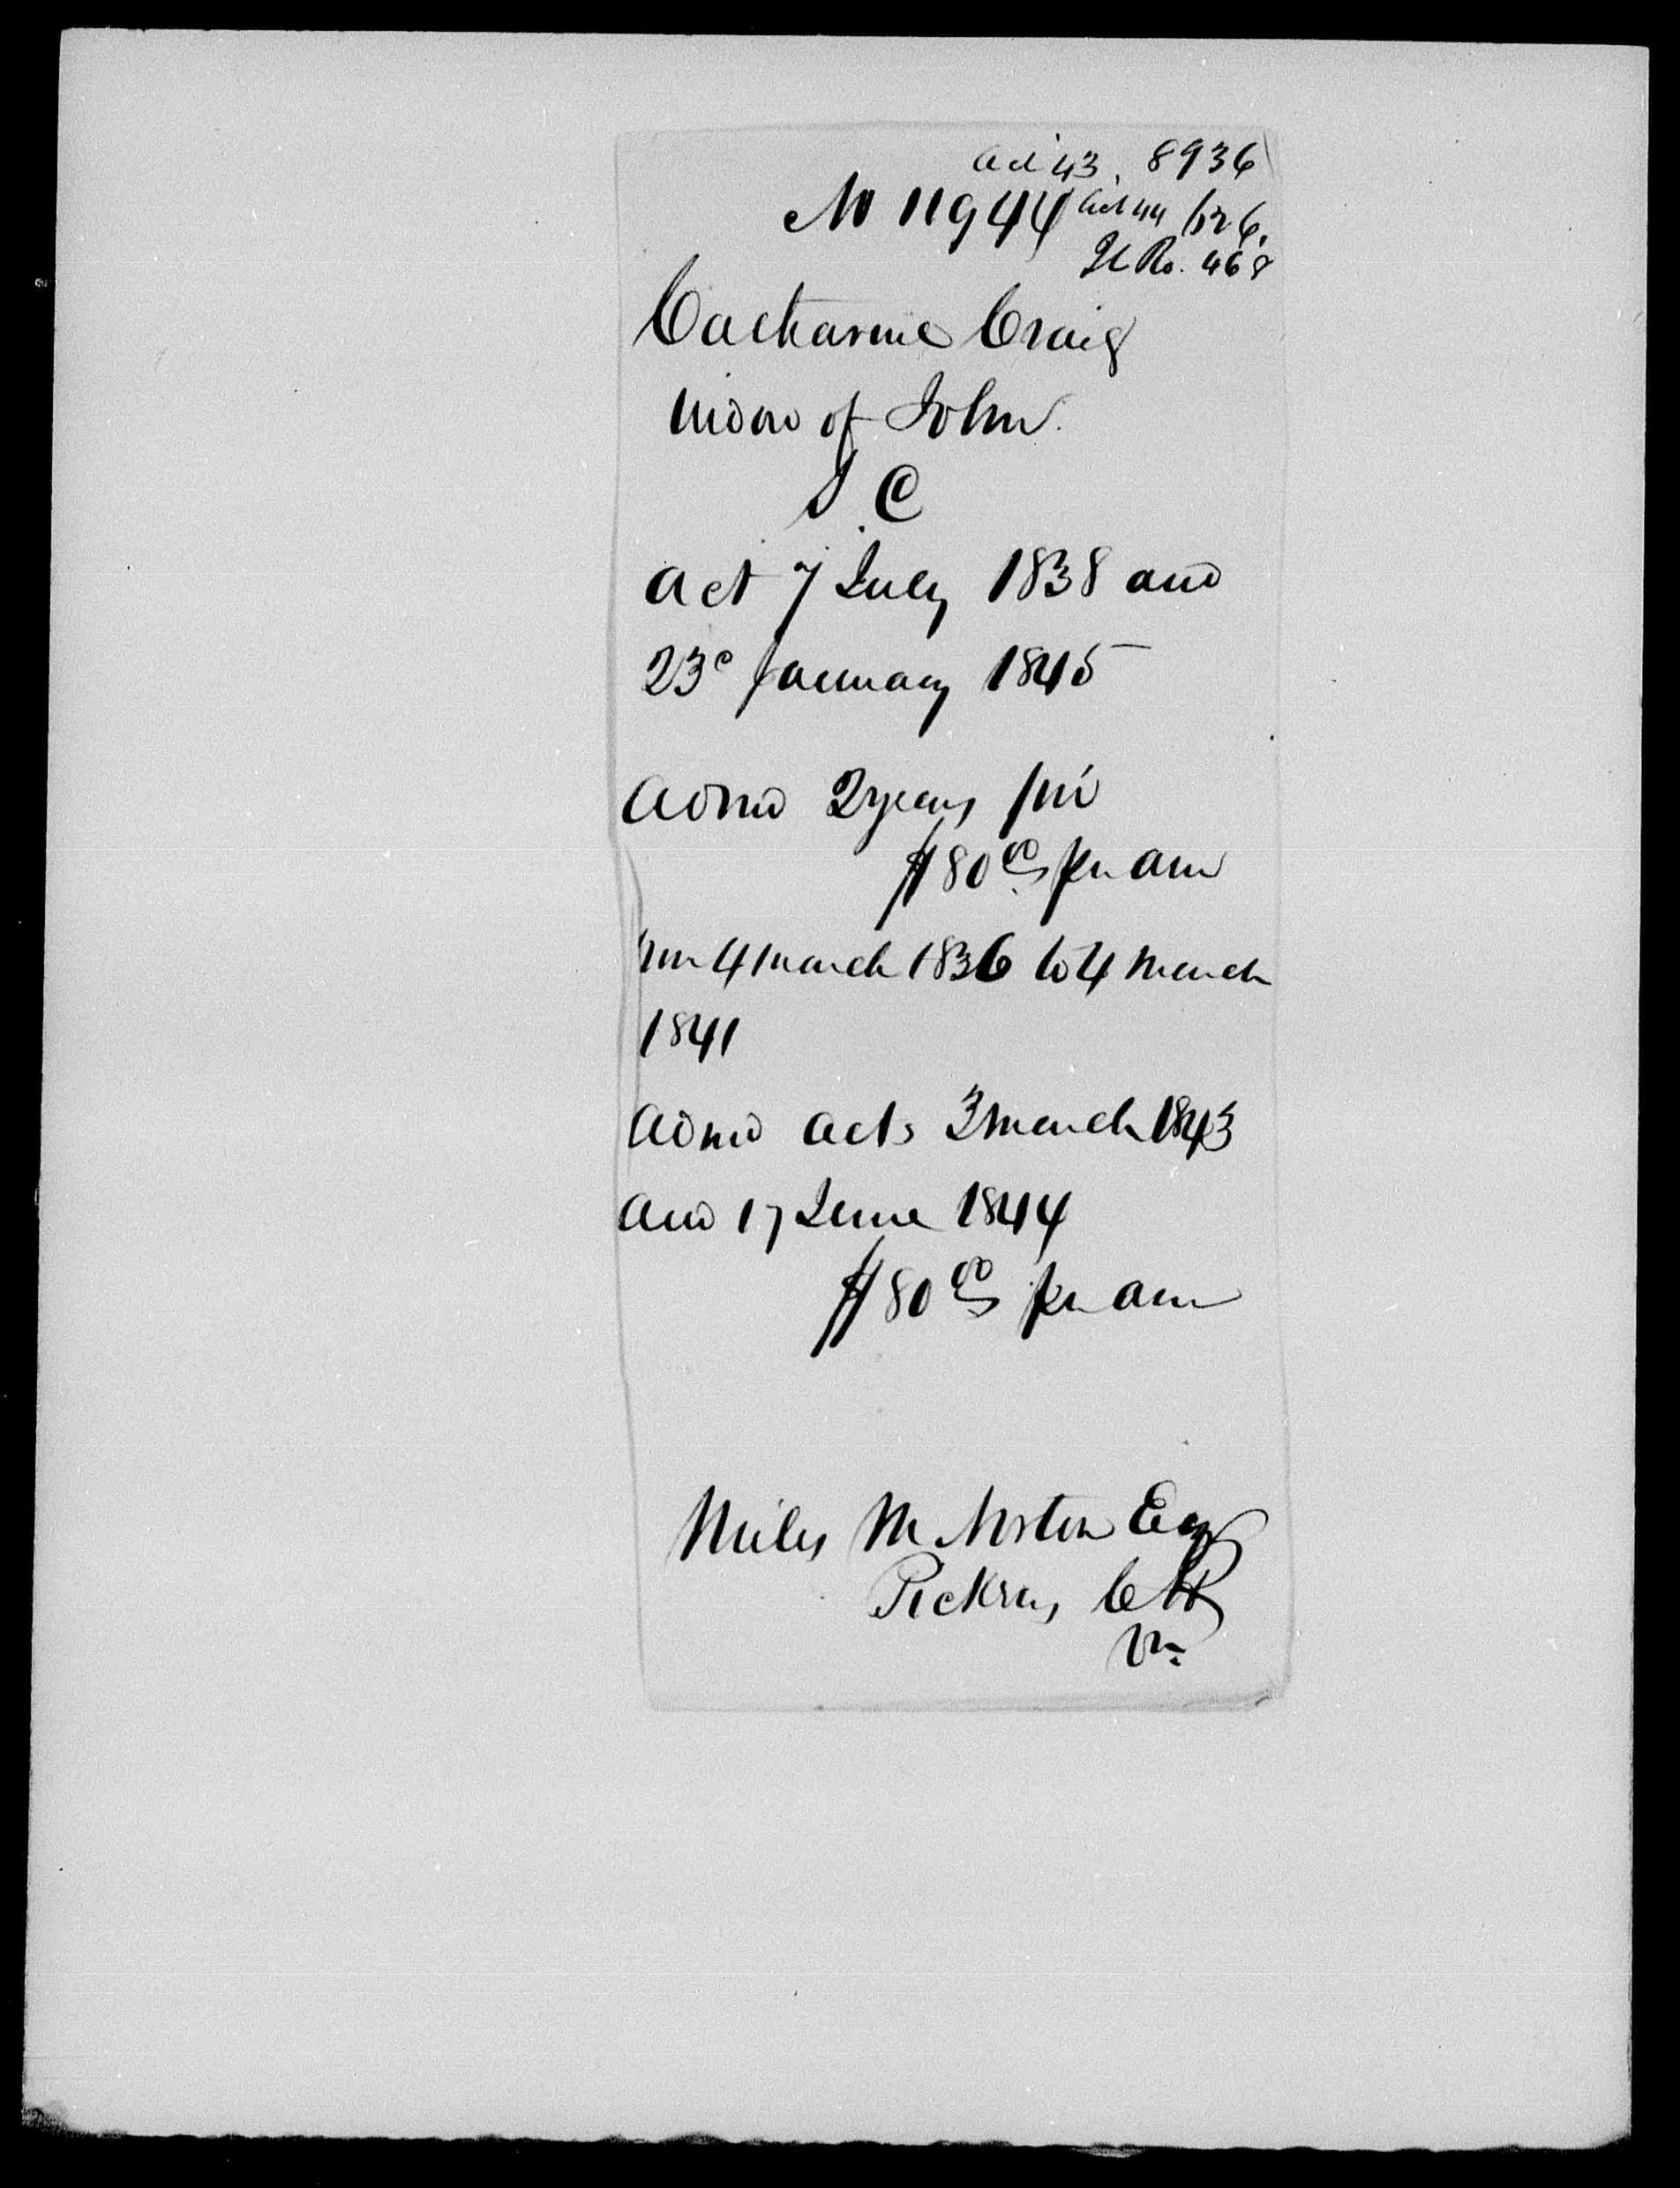Oct '43,   8936
No 11944
 Oct 44   b26,
Jc No. 468

Catharine Craig widow of John
SC
Act 7 July 1838 and 23 January 1845
widow 2 years Jun'
$80.00 per anum
from 4 March 1836 to 4 March 1841
widow acts 3 March 1843
and 17 June 1844
$80.00 per anum
Miles M. Norton Esq
Picken Co. SC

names: John Craig, Catharine Craig, Miles M Norton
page: 48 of 55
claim: widow's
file: W. 22864, John Craig, S.C. Born In Iceland